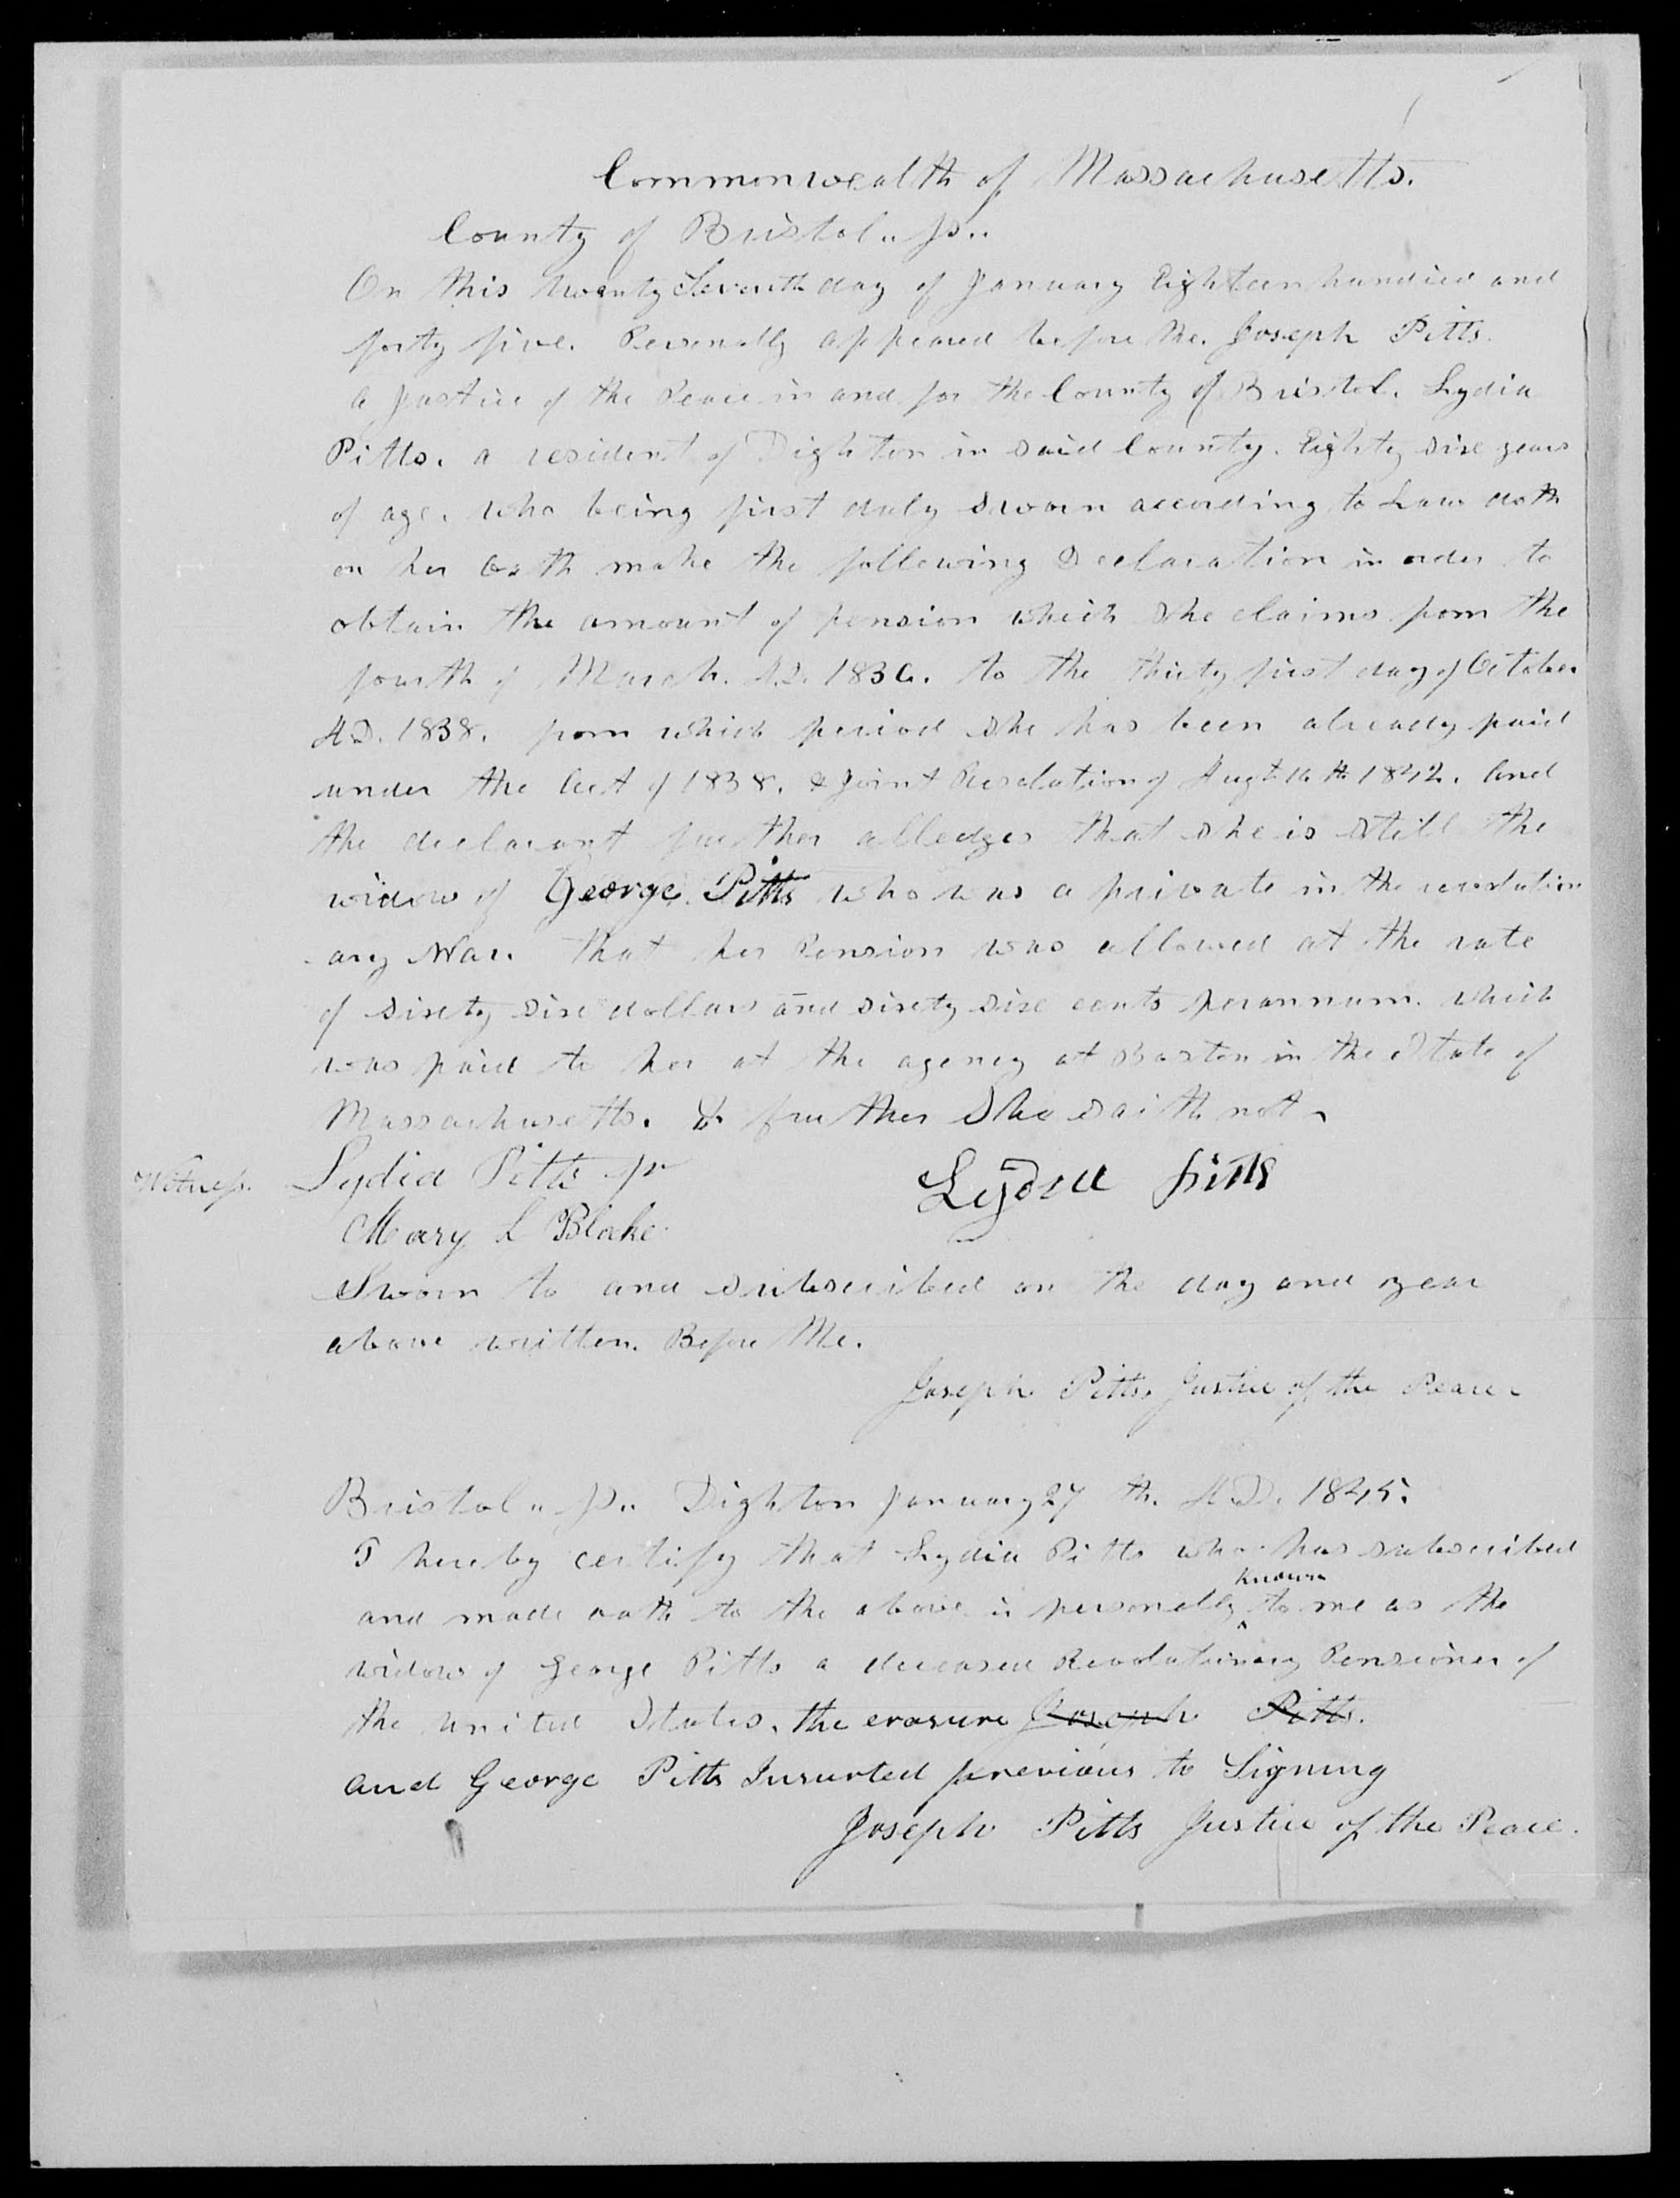Commonwealth of Massachusetts
County of Bristol, ss.
On this twenty Seventh day of January Eighteen hundred and forty five, Personally appeared before me Joseph Pitts a Justice of the Peace in and for the County of Bristol, Lydia Pitts, a resident of Dighton in said County, Eighty six years of age, who being first duly sworn according to Law doth on her oath make the following declaration in order to
obtain the amount of pension which she claims from the fourth of March A.D. 1836 to the thirty first day of October AD. 1838, from which period she has been already paid
under the Act of 1838, & joint Resolution of August 16th 1842, and the declarant further alledges that she is still the widow of George Pitts who was a private in the revolutionary War. That her pension was allowed at the rate
of sixty six dollars and sixty six cents per annum which was paid to her at the agency at Boston in the State of Massachusetts.  & further she saith not.
Lydia Pitts
Witness
Lydia Pitts
Mary L Blake
Sworn to and subscribed on the day and year
above written. Before me
Joseph Pitts Justice of the Peace
Bristol, ss, Dighton January 27th A.D. 1845.
I hereby certify that Lydia Pitts who has subscribed and made oath to the above is personally known to me as the widow of George Pitts a deceased Revolutionary Pensioner of the United States, the erasure [crossed out: Joseph Pitts] and George Pitts Juruted previous to signing
Joseph Pitts Justice of the Peace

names: Lydia Pitts; Mary L Blake; George Pitts; Joseph Pitts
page: 50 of 54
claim: widow's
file: W. 26,897, for George Pitts, Massachusetts